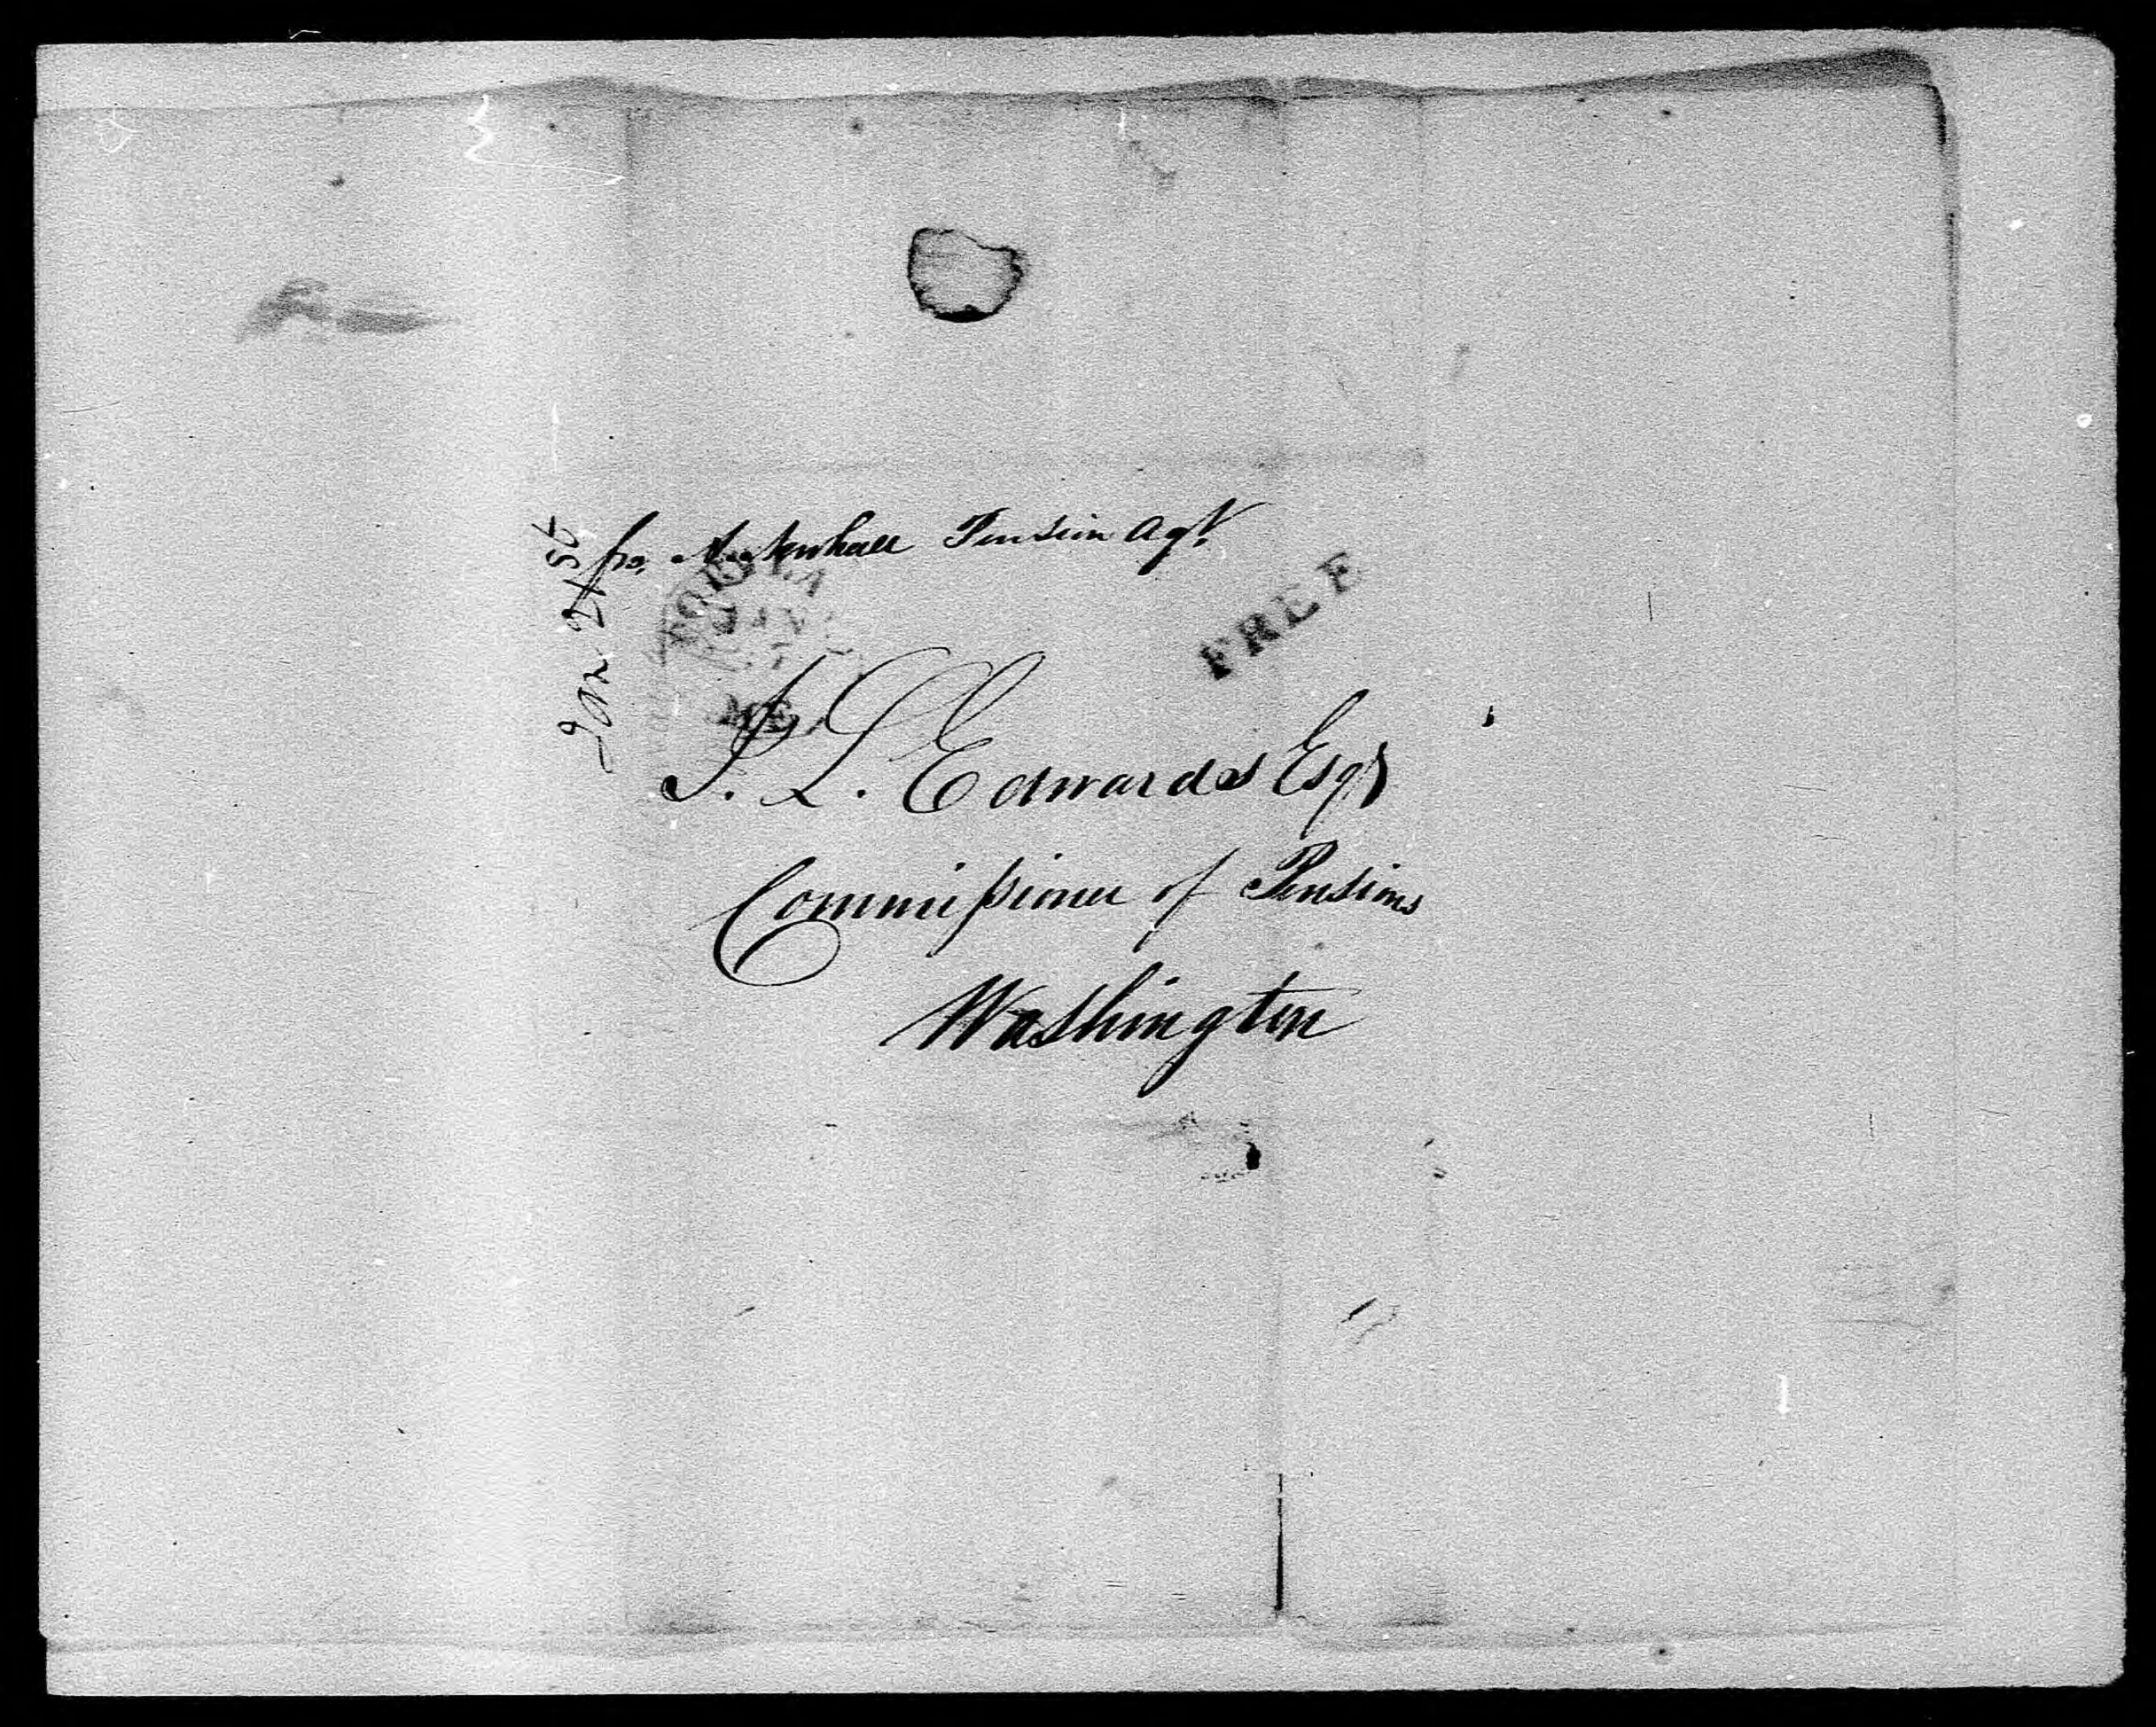{for?] Asa Nuhall Pension Agt.

[stamp]
FREE

J. L. Edwards Esqr
Commissioner of Pensions
Washington

[vertical on left margin]
Jan 21st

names: J L Edwards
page: 30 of 52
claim: survivor's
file: S 17997, Nicholas Hawwawas, Mass.